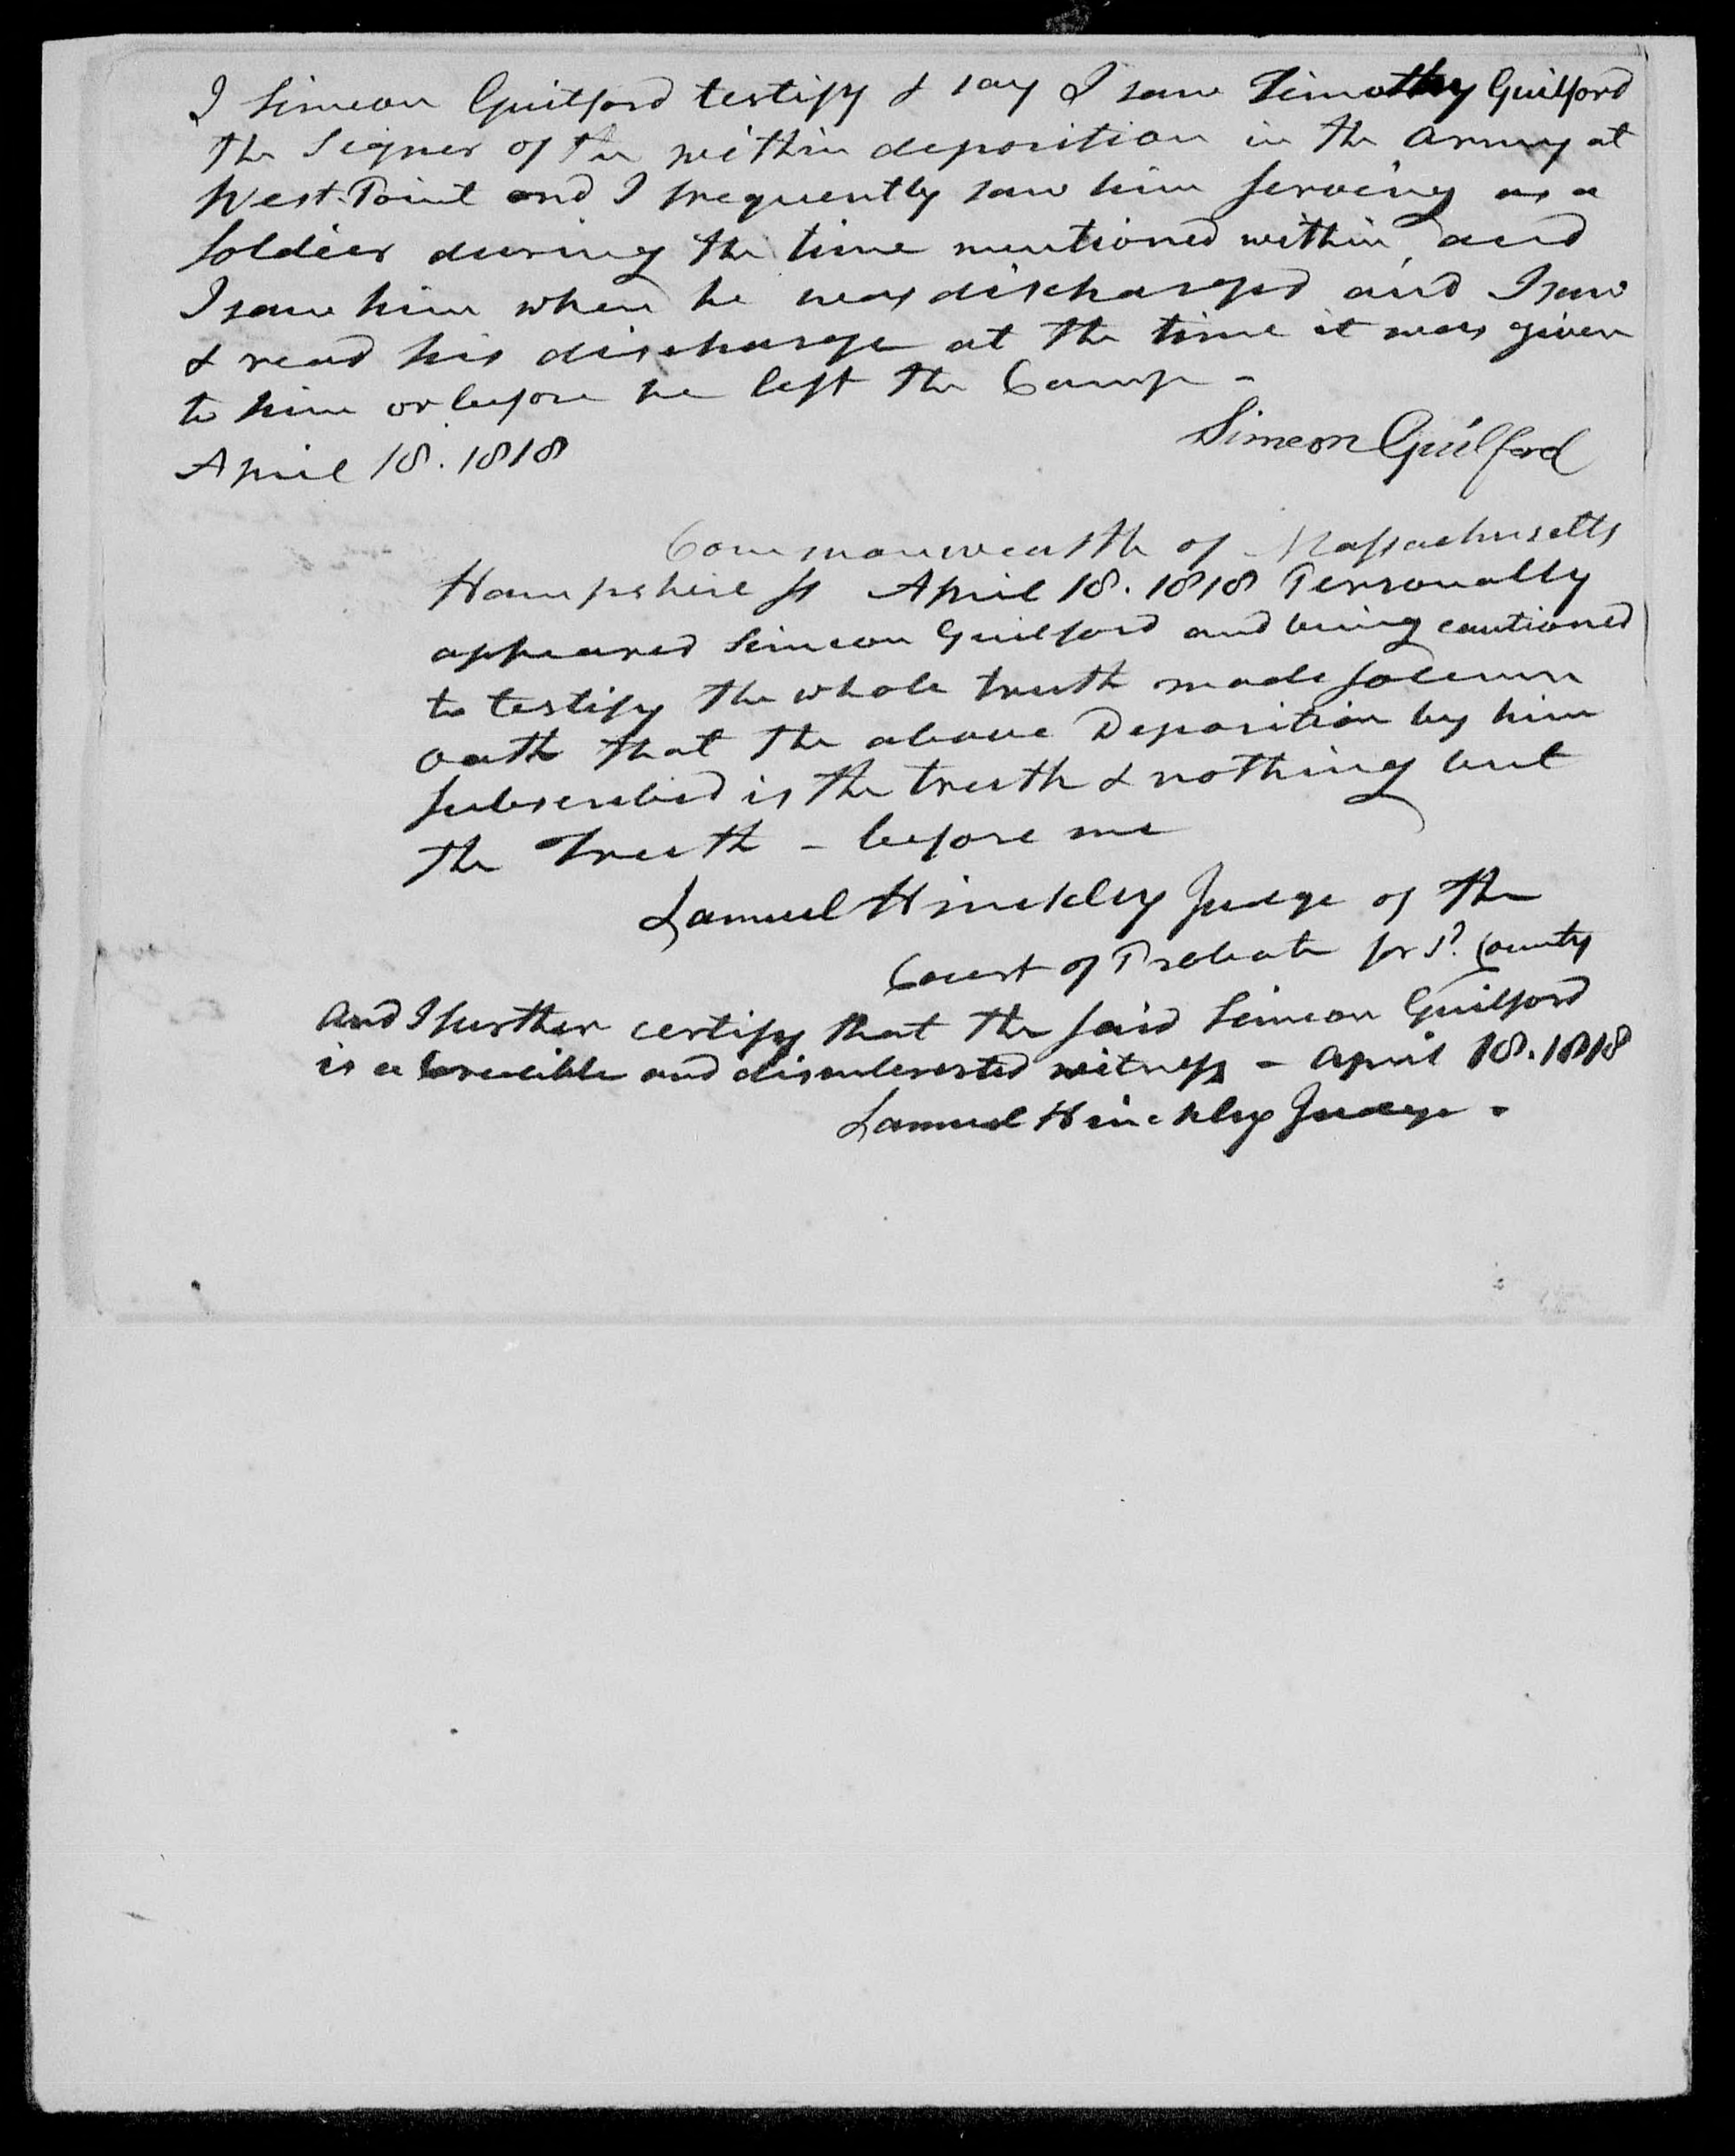I Simeon Guildford testify & say I saw Timothy Guilford the signer of this written deposition in the army at West Point and I frequently saw him serving as a soldier during the time mentioned within, and I saw him when he was discharged and I saw and read his discharge at the time it was given to him or  before he left the Camp. 
April 18 1818 
[signature]
 Simeon Guilford
Commonwealth of Massachusetts Hampshire Ss April 18 1818  
Personally appeared Simeon Guilford and being cautioned to testify the whole truth made solemn oath that the above Deposition by him subscribed is the truth & nothing but the Truth - before me
Samuel Hinkley  Judge of the Court of Probate 
for [illegible] County further certify that the said Simeon Guilford is a credible and disinterested witness - April 18, 1818. 
[signature]
Samuel Hinkley Judge.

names: Simeon Guilford, Simeon Guilford, Samuel Hinckley, Timothy Guilford, Samuel Hinckley, Simeon Guilford, Simeon Guilford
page: 5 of 26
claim: widow's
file: W. 21,238, Timothy Guilford, Mass.